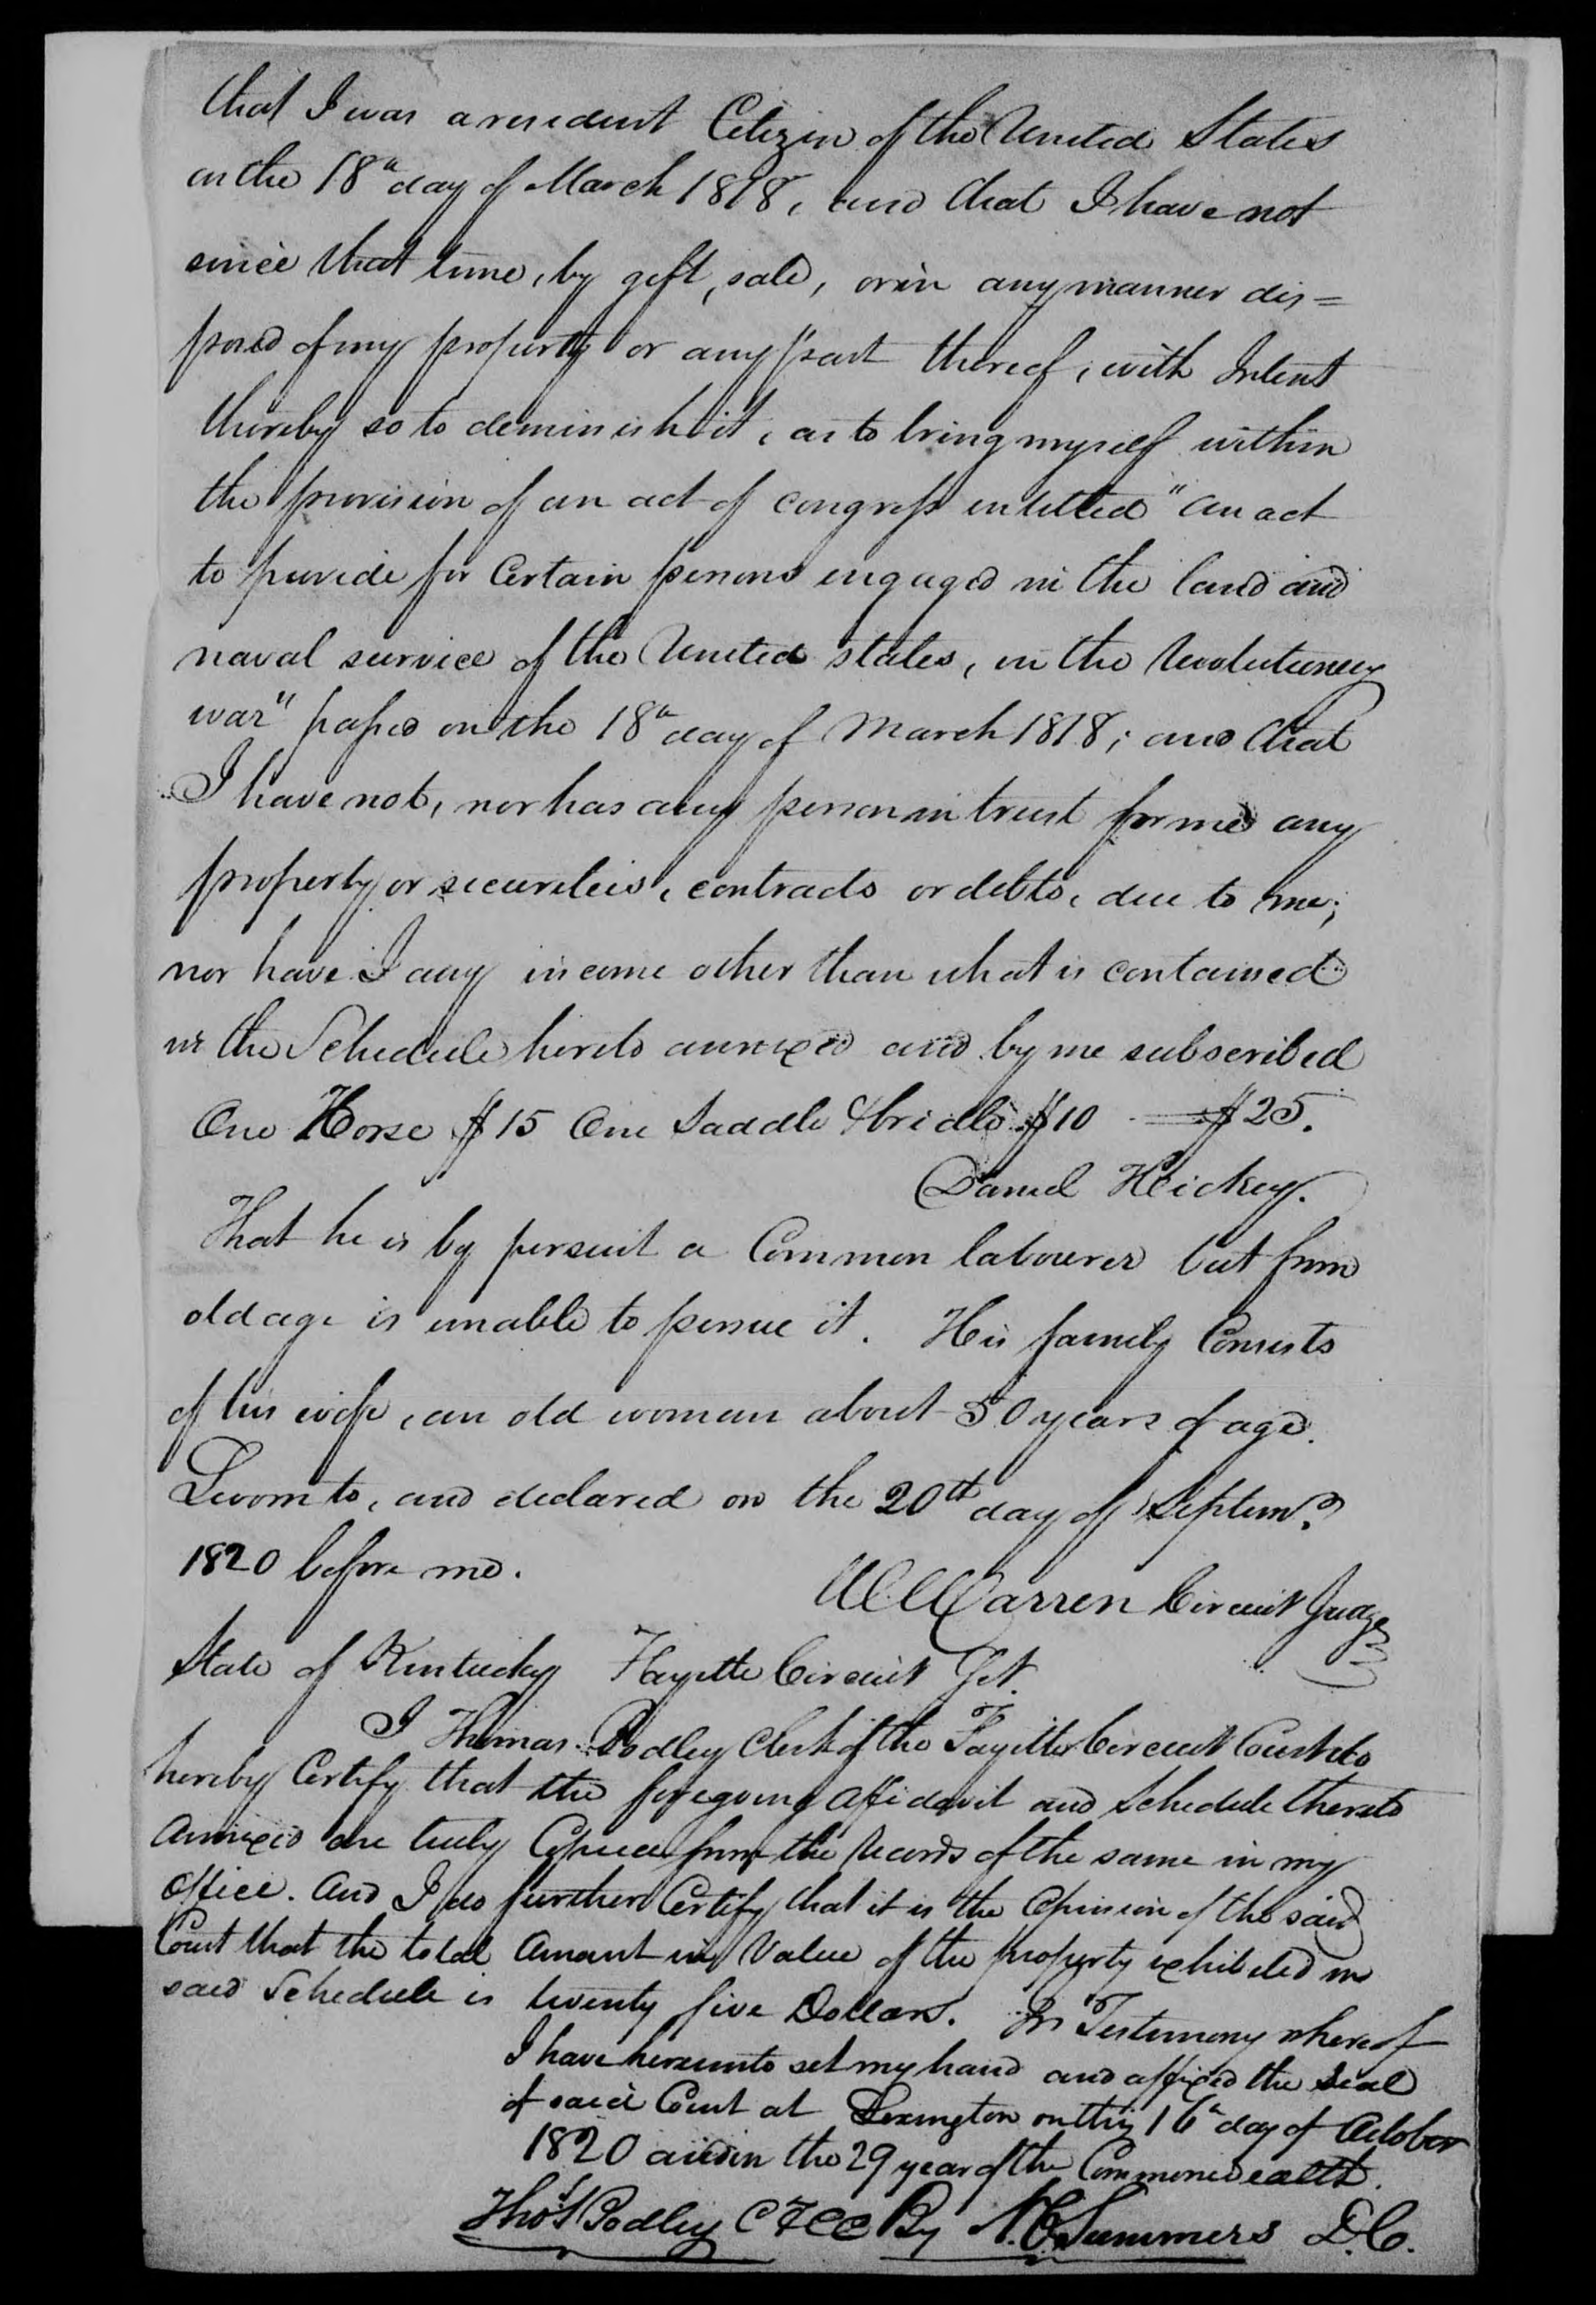that I was a resident Citizen of the United States on the 18" day of March 1818, and that I have not since that time, by gift, sale, or in any manner disposed of my property or any part thereof, with Intent thereby so to diminish it, as to bring myself within the provision of an act of congress entitled "An act to provide for certain persons engaged in the land and
naval service of the United States, in the Revolutionary war" passed on the 18th day of March 1818; and that I have not, nor has any person in trust for me any property or securities, contracts or debts, due to me;
nor have I any income other than what is contained in the Schedule hereto annexed and by me subscribed.
One Horse $15 One Saddle & bridle $10  $25.
Daniel Hickey.
That he is by persuit [sic] a Common laborer but from old age is unable to persue [sic] it. His family consists of his wife, an old woman about 50 years of age.
Sworn to, and declared on the 20th day of Septem'r 1820 before me.
W W Warren Circuit Judge [signature]

State of Kentucky Fayette Circuit} Ss
I Thomas Bodley Clerk of the Fayette Circuit Court do hereby certify that the foregoing affidavit and schedule thereto annexed are truly copied from the records of the same in my office. And I do further certify that it is the opinion of the said Court that the total amount in value of the property exhibited in said schedule is twenty five Dollars. In Testimony whereof I have hereunto set my hand and affixed the seal of said Court at Lexington on this 16th day of October 1820 and in the 29 year of the Commonwealth
Thos Bodley CFCC By A. C. Summers D.C.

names: Thomas Bodley, Thos Bodley, A C Summers, Daniel Hickey, W Warren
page: 14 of 84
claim: widow's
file: W. 7744, Daniel Hickey, Penn.